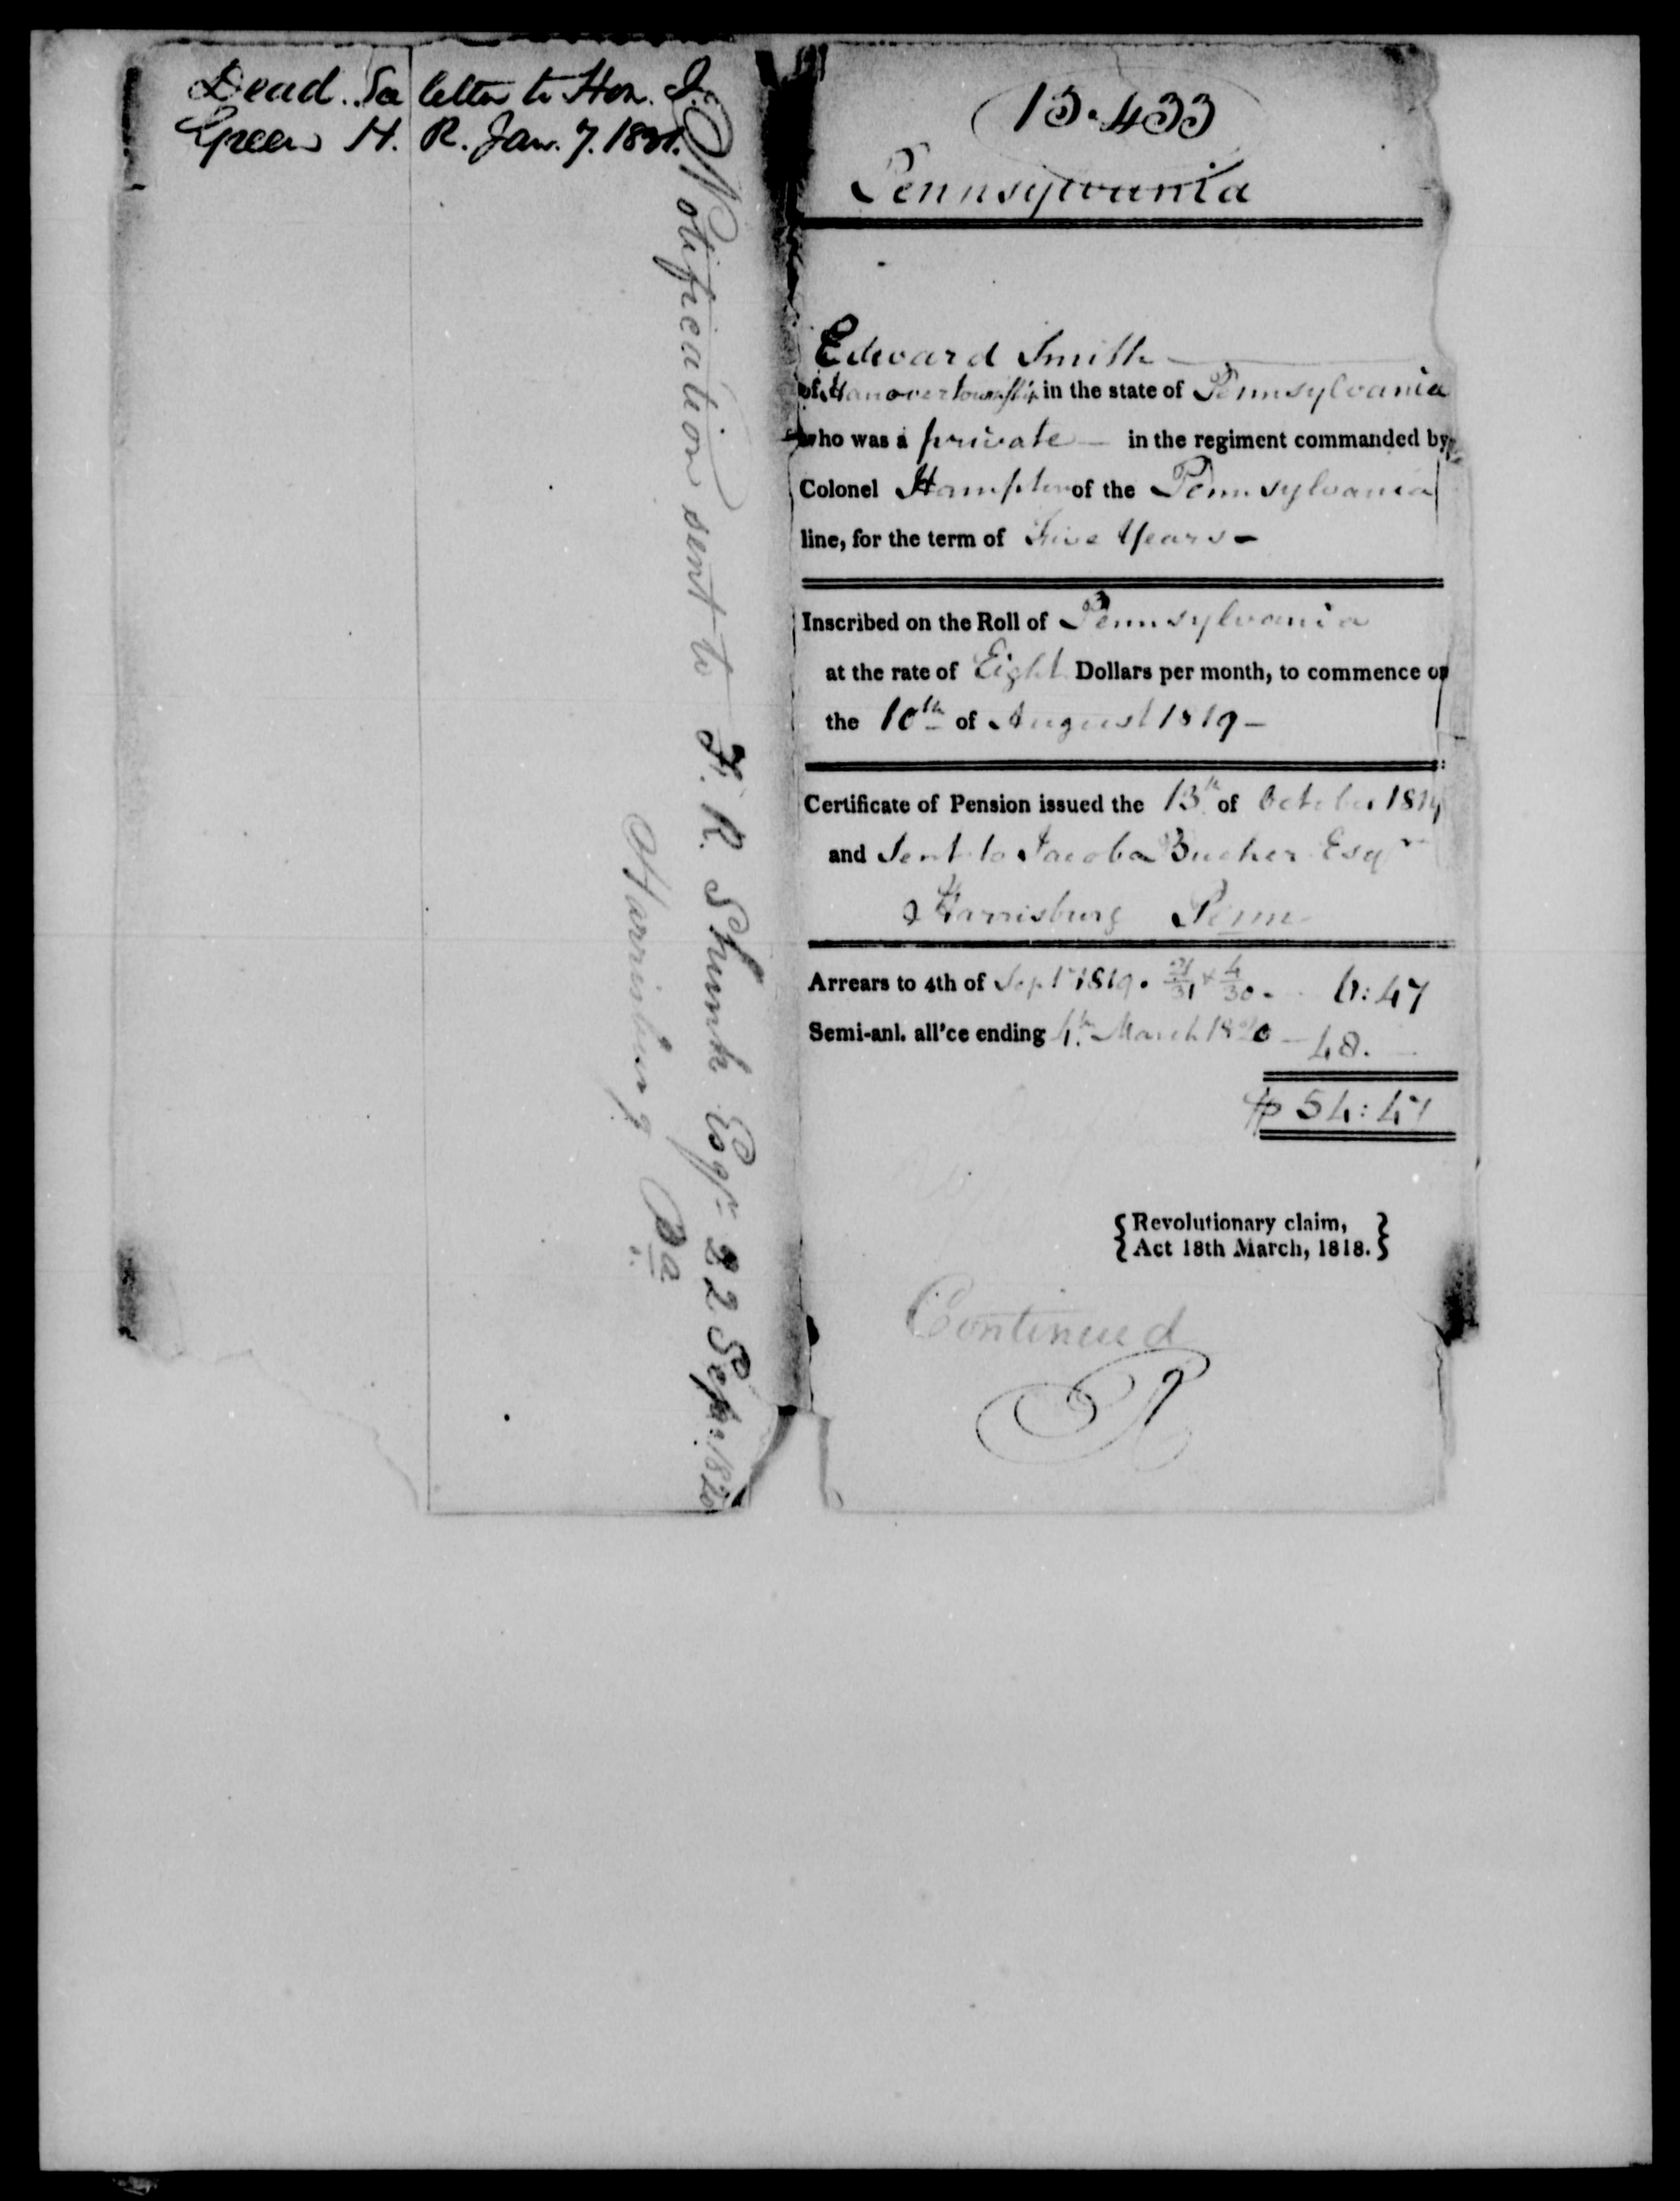Dead. {illegible} letters to Hon. J. Green
 H. R.  Jan. 7. 1831.

Notification sent to F. R. Shunk Esq.
Harrisburg Pa
Sept. 1820 


15.433
Pennsylvania
Edward Smith
of Hanover Township in the State of Pennsylvania
who was a private in the regiment commanded by
Colonel Hampton of the Pennsylvania
line, for the term of five years
Inscribed on the Roll of Pennsylvania
at the rate of Eight Dollars per month, to commence on
the 10th of August 1819-
Certificate of Pension issued the 13th of October {illegible}
and sent to Jacob Bucher Esq
Harrisburg Penn.
Arrears to 4th of Sept 1819
21/31 x 4/30                                 6.47
Semi-anl, all'ce ending                 48.00
 March 1820
                                                     $54:41
{Revolutionary claim,
Act 18th March, 1818.}
Continued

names: Jacob Bucher; F R Shunk; Edward Smith; [BLANK] Hampton; J Green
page: 2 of 20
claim: survivor's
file: S 40454, for Edward Smith, Pennsylvania